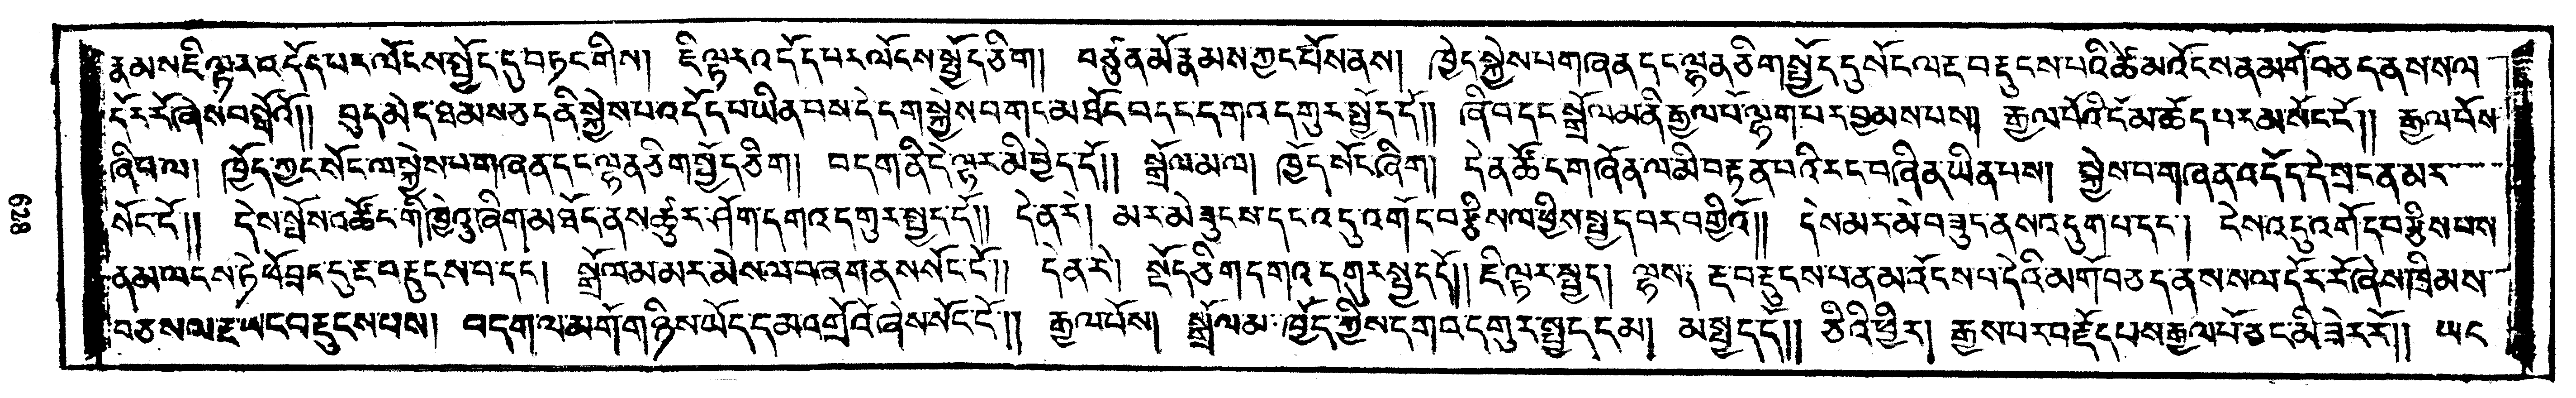རྣམས་ཇི་ལྟར་འདོད་པར་ལོངས་སྤྱོད་དུ་བཏང་གིས། ཇི་ལྟར་འདོད་པར་ལོངས་སྤྱོད་ཅིག། བཙུན་མོ་རྣམས་ཀྱང་པོས་ནས། ཁྱེད་སྐྱེས་པ་གཞན་དང་ལྷན་ཅིག་སྤྱོད་དུ་སོང་ལ་རྡ་བརྡུངས་པའི་ཚེ་མ་འོངས་ན་མགོ་བཅད་ནས་སལ་
དོར་རོ་ཞེས་བསྒོའོ།། བུད་མེད་ཐམས་ཅད་ནི་སྐྱེས་པ་འདོད་པ་ཡིན་པས་དེ་དག་སྐྱེས་པ་གང་མཐོང་བ་དང་དགའ་དགུར་སྤྱོད་དོ།། ཞི་བ་དང་སྒྲོལ་མ་ནི་རྒྱལ་པོ་ལྷག་པར་བྱམས་པས། རྒྱལ་པོའི་ངོ་མཆོད་པར་མ་སོང་ངོ།། རྒྱལ་པོས་
ཞིབ་ལ། ཁྱོད་ཀྱང་སོང་ལ་སྐྱེས་པ་གཞན་དང་ལྷན་ཅིག་སྤྱོད་ཅིག། བདག་ནི་དེ་ལྟར་མི་བྱེད་དོ།། སྒྲོལ་མ་ལ། ཁྱོད་སོང་ཞིག། དེ་ན་ཚོང་གཞོན་ལ་མི་བརྟན་པའི་རང་བཞིན་ཡིན་པས། སྐྱེས་པ་གཞན་འདོད་དེ་སྲང་ན་མར་
སོང་ངོ།། དེས་སྤོས་འཚོང་གི་ཁྱེའུ་ཞིག་མཐོང་ནས་ཚུར་ཤོག་དགའ་དགུར་སྤྱད་དོ།། དེ་ན་རེ། མར་མེ་ཟུངས་དང་འདུ་འགོང་བརྩིས་ལ་ཕྱིས་སྤྱད་པར་བགྱིའོ།། དེས་མར་མེ་བཟུང་ནས་འདུག་པ་དང་། དེས་འདུ་འགོད་བརྩིས་པས་
ནམ་ལངས་ཏེ་ཕོ་བྲང་དུ་རྔ་བརྡུངས་པ་དང་། སྒྲོལ་མ་མར་མེ་སལ་བཞག་ནས་སོང་ངོ།། དེ་ན་རེ། སྡོད་ཅིག་དགའ་དགུར་སྤྱད་དོ། །ཇི་ལྟར་སྤྱད། ལྷས༑ རྡ་བརྡུངས་པ་ན་མ་འོངས་པ་དེའི་མགོ་བཅད་ནས་ས་ལ་དོར་རོ་ཞེས་ཁྲིམས་
བཅས་ལ་རྔ་ཡང་བརྡུངས་པས། བདག་ལ་མགོ་གཉིས་ཡོད་དམ་འགྲོའོ་ཞེས་སོང་ངོ།། རྒྱལ་པོས། སྒྲོལ་མ༑ ཁྱོད་ཀྱིས་དགའ་དགུར་སྤྱད་དམ། མ་སྤྱད་དོ།། ཅིའི་ཕྱིར། རྒྱས་པར་བརྗོད་པས་རྒྱལ་པོ་ཅང་མི་ཟེར་རོ།། ཡང་